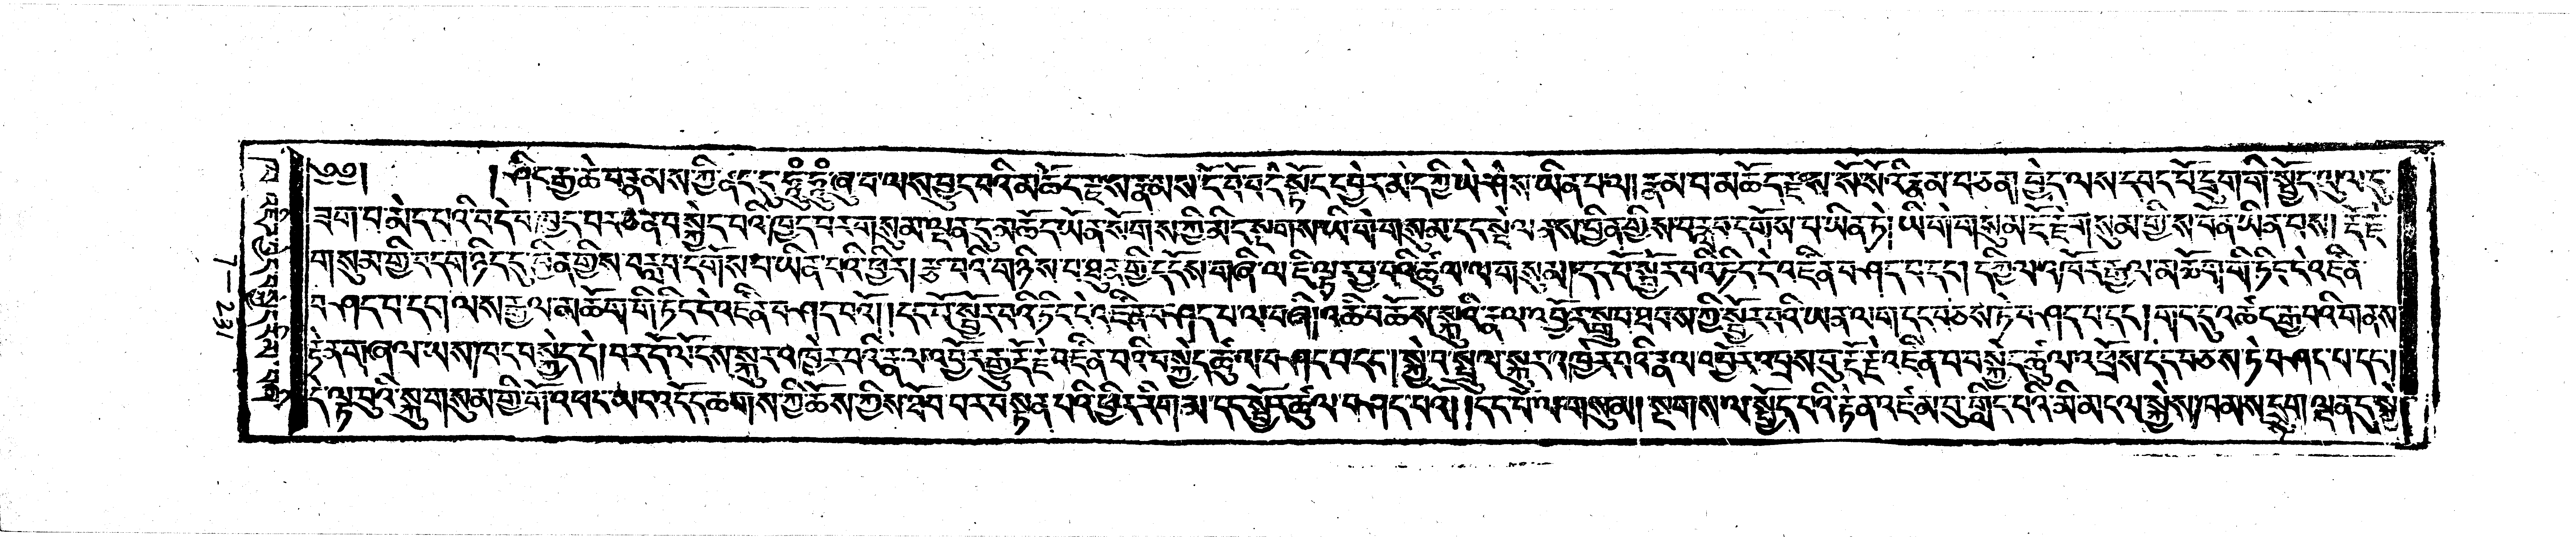༄༅། །ཤིང་རྒྱ་ཆེ་བ་རྣམས་ཀྱི་ནང་དུ་ཧཱུཾ་ཧཱུཾ་ཞུ་བ་ལས་བྱུང་བའི་མཆོད་རྫས་རྣམས་ངོ་བོ་བདེ་སྟོང་དབྱེར་མེད་ཀྱི་ཡེ་ཤེས་ཡིན་པ་ལ། རྣམ་པ་མཆོད་རྫས་སོ་སོའི་རྣམ་པ་ཅན། བྱེད་ལས་དབང་པོ་དྲུག་གི་སྤྱོད་ཡུལ་དུ་
ཟག་པ་མེད་པའི་བདེ་བ་ཁྱད་པར་ཅན་བསྐྱེད་པའི་ཁྱད་པར་གསུམ་ལྡན་དུ་མཆོད་ཡོན་སོགས་ཀྱི་མིང་སྔགས་ཡི་གེ་གསུམ་དང་སྤེལ་ནས་བྱིན་གྱིས་བརླབ་དགོས་པ་ཡིན་ཏེ། ཡི་གེ་གསུམ་རྡོ་རྗེ་གསུམ་གྱི་ས་བོན་ཡིན་པས། རྡོ་རྗེ་
གསུམ་གྱི་བདག་ཉིད་དུ་བྱིན་གྱིས་བརླབ་དགོས་པ་ཡིན་པའི་ཕྱིར། རྩ་བའི་གཉིས་པ་ཐུན་གྱི་དངོས་གཞི་ལ་ཇི་ལྟར་བྱ་བའི་ཚུལ་ལ་གསུམ། དང་པོ་སྦྱོར་བའི་ཏིང་ངེ་འཛིན་བཤད་པ་དང་། དཀྱིལ་འཁོར་རྒྱལ་མཆོག་གི་ཏིང་ངེ་འཛིན་
བཤད་པ་དང་། ལས་རྒྱལ་མཆོག་གི་ཏིང་ངེ་འཛིན་བཤད་པའོ། །དང་པོ་སྦྱོར་བའི་ཏིང་ངེ་འཛིན་བཤད་པ་ལ་བཞི། འཆི་བ་ཆོས་སྐུའི་རྣལ་འབྱོར་སྒྲུབ་ཐབས་ཀྱི་སྦྱོར་བའི་ཡན་ལག་དང་བཅས་ཏེ་བཤད་པ་དང་། གང་དུ་འཚང་རྒྱ་བའི་གནས་
རྟེན་གཞལ་ཡས་ཁང་བསྐྱེད་དེ། བར་དོ་ལོངས་སྐུར་འཁྱེར་བའི་རྣལ་འབྱོར་རྒྱུ་རྡོ་རྗེ་འཛིན་པའི་བསྐྱེད་ཚུལ་བཤད་པ་དང་། སྐྱེ་བ་སྤྲུལ་སྐུར་འཁྱེར་བའི་རྣལ་འབྱོར་འབྲས་བུ་རྡོ་རྗེ་འཛིན་པ་བསྐྱེད་ཚུལ་འཕྲོས་དང་བཅས་ཏེ་བཤད་པ་དང་།
དེ་ལྟ་བུའི་སྐུ་གསུམ་གྱི་གོ་འཕང་ཡང་འདོད་ཆགས་ཀྱི་ཆོས་ཀྱིས་ཐོབ་པར་བསྟན་པའི་ཕྱིར་རིག་མ་དང་སྦྱོར་ཚུལ་བཤད་པའོ། །དང་པོ་ལ་གསུམ། སྔགས་ལ་སྤྱོད་པའི་རྟེན་འཛམ་བུ་གླིང་པའི་མི་མངལ་སྐྱེས་ཁམས་དྲུག་ལྡན་དུ་སྐྱེ་